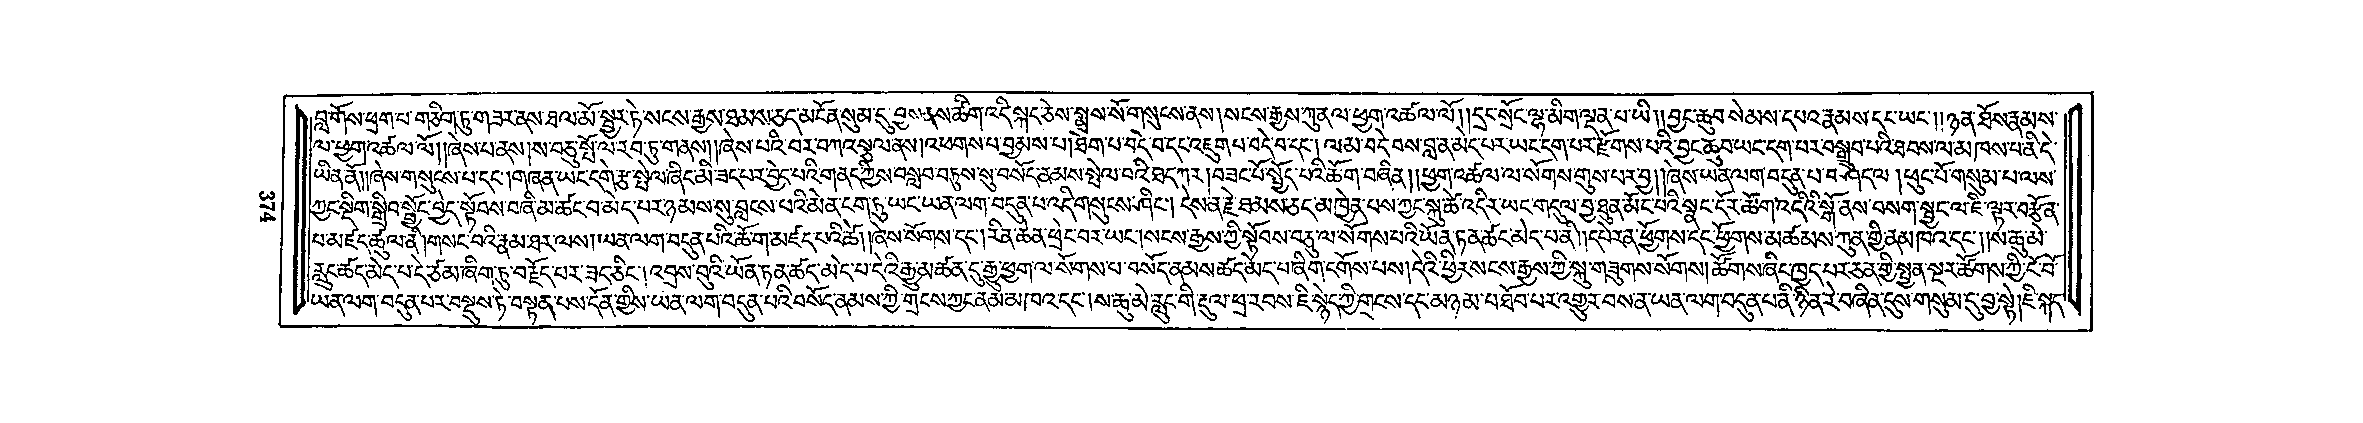བླ་གོས་ཕྲག་པ་གཅིག་ཏུ་གཟར་ནས་ཐལ་མོ་སྦྱར་ཏེ་སངས་རྒྱས་ཐམས་ཅད་མངོན་སུམ་དུ་བྱས་ནས་ཚིག་འདི་སྐད་ཅེས་སྨྲས་སོ་གསུངས་ནས། སངས་རྒྱས་ཀུན་ལ་ཕྱག་འཚལ་ལོ། །དྲང་སྲོང་ལྷ་མིག་ལྡན་པ་ཡི། །བྱང་ཆུབ་སེམས་དཔའ་རྣམས་དང་ཡང་། །ཉན་ཐོས་རྣམས་
ལ་ཕྱག་འཚལ་ལོ། །ཞེས་པ་ནས། ས་བཅུ་སྤོ་ལ་རབ་ཏུ་གནས། །ཞེས་པའི་བར་བཀའ་སྩལ་ནས། འཕགས་པ་བྱམས་པ། ཐེག་པ་བདེ་བ་དང་འཇུག་པ་བདེ་བ་དང་། ལམ་བདེ་བས་བླ་ན་མེད་པར་ཡང་དག་པར་རྫོགས་པའི་བྱང་ཆུབ་ཡང་དག་པར་བསྒྲུབ་པའི་ཐབས་ལ་མཁས་པ་ནི་དེ་
ཡིན་ནོ། །ཞེས་གསུངས་པ་དང་། གཞན་ཡང་དགེ་རྩ་སྤེལ་ཞིང་མི་ཟད་པར་བྱེད་པའི་གནད་ཀྱིས་བསླབ་བཏུས་སུ་བསོད་ནམས་སྤེལ་བའི་ཐད་ཀར། བཟང་པོ་སྤྱོད་པའི་ཆོ་ག་བཞིན། །ཕྱག་འཚལ་ལ་སོགས་གུས་པར་བྱ། །ཞེས་ཡན་ལག་བདུན་པ་བཤད་ལ། ཕུང་པོ་གསུམ་པ་ལས་
ཀྱང་སྡིག་སྒྲིབ་སྦྱོང་བྱེད་སྟོབས་བཞི་མ་ཚང་བ་མེད་པར་ཉམས་སུ་བླངས་པའི་མེན་ངག་ཏུ་ཡང་ཡན་ལག་བདུན་པ་འདི་གསུངས་ཤིང་། དེས་ན་རྗེ་ཐམས་ཅད་མཁྱེན་པས་ཀྱང་སྐུ་ཚེ་འདིར་ཡང་གདུལ་བྱ་ཐུན་མོང་པའི་སྣང་དོར་ཆོ་ག་འདིའི་སྒོ་ནས་བསག་སྦྱང་ལ་ཇི་ལྟར་བརྩོན་
པ་མཛད་ཚུལ་ནི། གསང་བའི་རྣམ་ཐར་ལས། ཡན་ལག་བདུན་པའི་ཆོ་ག་མཛད་པའི་ཚེ། །ཞེས་སོགས་དང་། རིན་ཆེན་ཕྲེང་བར་ཡང་། སངས་རྒྱས་ཀྱི་སྟོབས་བཅུ་ལ་སོགས་པའི་ཡོན་ཏན་ཚང་མེད་པ་ནི། །དཔེར་ན་ཕྱོགས་དང་ཕྱོགས་མཚམས་ཀུན་གྱི་ནམ་མཁའ་དང་། །ས་ཆུ་མེ་
རླུང་ཚད་མེད་པ་དེ་ཙམ་ཞིག་ཏུ་བརྗོད་པར་ཟད་ཅིང་། འབྲས་བུའི་ཡོན་ཏན་ཚད་མེད་པ་དེའི་རྒྱུ་མཚན་དུ་རྒྱུ་ཕྱག་ལ་སོགས་པ་བསོད་ནམས་ཚད་མེད་པ་ཞིག་དགོས་པས། དེའི་ཕྱིར་སངས་རྒྱས་ཀྱི་སྐུ་གཟུགས་སོགས། ཚོགས་ཞིང་ཁྱད་པར་ཅན་གྱི་སྤྱན་སྔར་ཚོགས་ཀྱི་ངོ་བོ་
ཡན་ལག་བདུན་པར་བསྡུས་ཏེ་བསྟན་པས་དོན་གྱིས་ཡན་ལག་བདུན་པའི་བསོད་ནམས་ཀྱི་གྲངས་ཀྱང་ནམ་མཁའ་དང་། ས་ཆུ་མེ་རླུང་གི་རྡུལ་ཕྲ་རབས་ཇི་སྙེད་ཀྱི་གྲངས་དང་མཉམ་པ་ཐོབ་པར་འགྱུར་བས་ན་ཡན་ལག་བདུན་པ་ནི་ཉིན་རེ་བཞིན་དུས་གསུམ་དུ་བྱ་སྟེ། ཇི་སྐད་